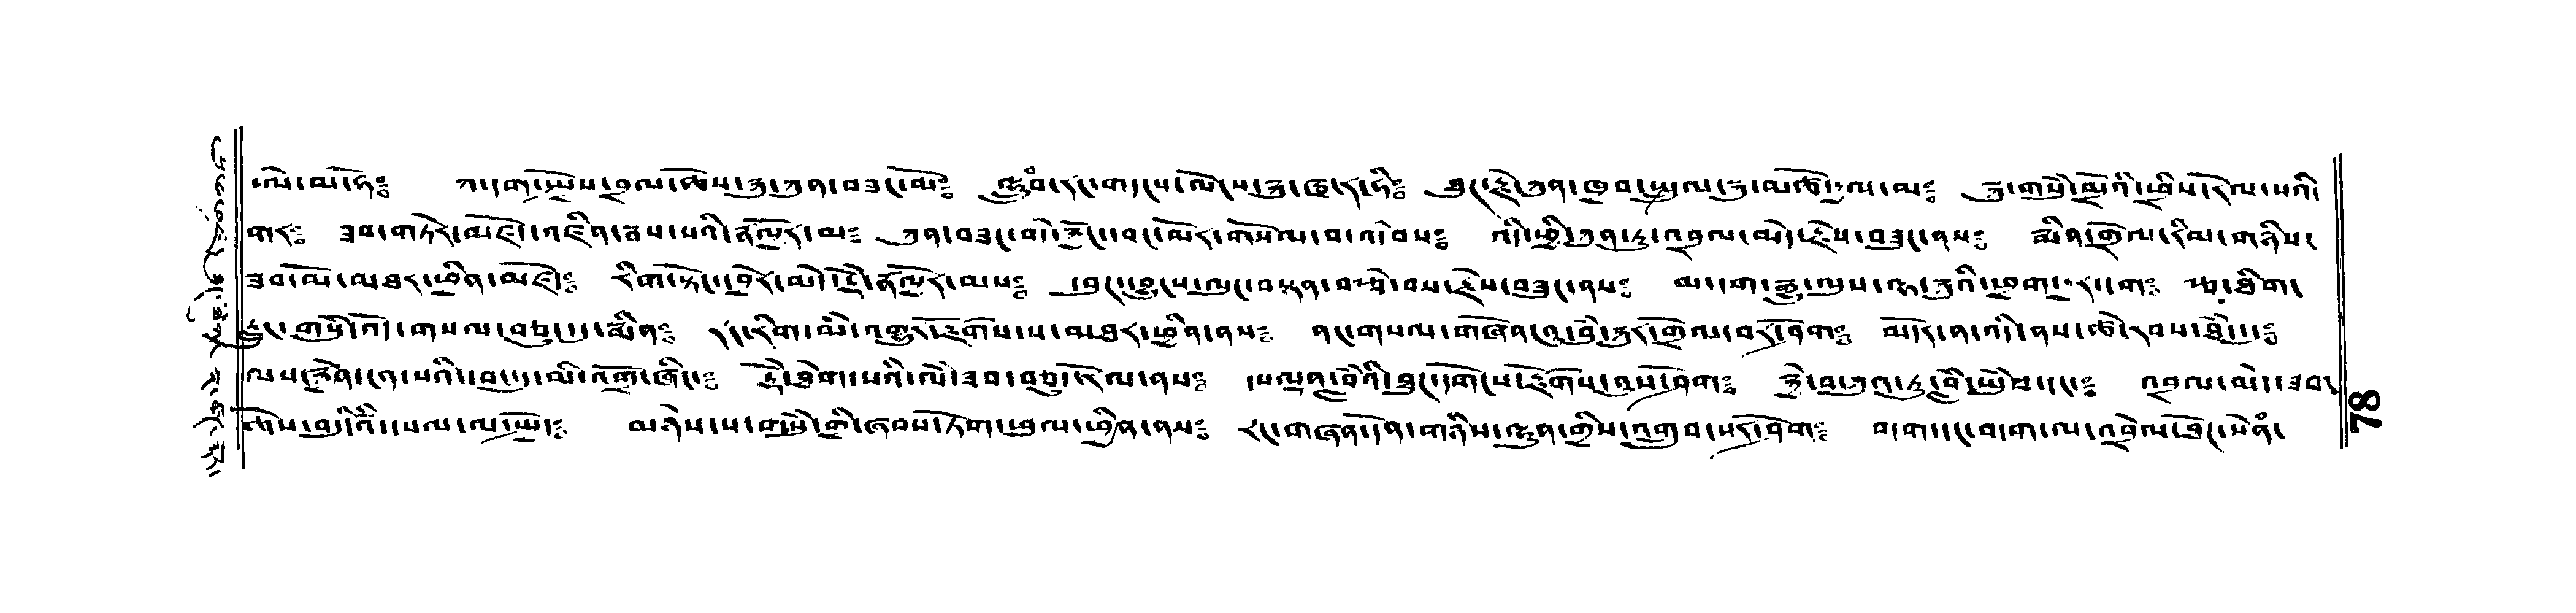ཨེ་མ་ཧོ༔ ཀ་དག་སྤྲོས་བྲལ་ཆོས་སྐུ་ཀུན་བཟང་མོ༔ ལྷུན་གྲུབ་རང་གདངས་ལོངས་སྐུ་ཝ་ར་ཧི༔ ཐུགས་རྗེ་ཀུན་ཁྱབ་སྤྲུལ་སྐུ་མཚོ་རྒྱལ་མ༔ སྐུ་གསུམ་མཁའ་འགྲོའི་ཕྲིན་ལས་རོལ་པའི་
གར༔ ཟབ་གཏེར་མཛོད་འཛིན་སྦས་པའི་རྣལ་འབྱོར་མ༔ ཀུན་བཟང་བདེ་སྐྱོང་དབང་མོར་གསོལ་བ་འདེབས༔ འདི་ཕྱི་ཀུན་ཏུ་འབྲལ་མེད་རྗེས་བཟུང་ནས༔ སྨིན་གྲོལ་རིམ་གཉིས་
ཟབ་མོ་མཐར་ཕྱིན་མཛོད༔ རིག་སྟོང་དབྱེར་མེད་རྡོ་རྗེ་རྣལ་འབྱོར་མས༔ དབུགས་དབྱུང་ལུང་བསྟན་བརྩེ་བས་རྗེས་བཟུང་ནས༔ མ་དག་སྒྱུ་ལུས་ལྷ་སྐུའི་ཕྱག་རྒྱར་དག༔ རྩ་ཐིག་
རླུང་གསུམ་འོད་གསལ་བཅུད་དུ་སྨིན༔ རང་རིག་མི་འགྱུར་རྫོགས་པ་མཐར་ཕྱིན་ནས༔ ནང་གསལ་གཞོན་ནུ་བུམ་སྐུར་གྲོལ་བར་ཤོག༔ མདོར་ན་འདི་ནས་ཚེ་རབས་ཐམས་ཅད་དུ༔ 
ལས་རྐྱེན་ངན་པའི་དབང་དུ་མི་འགྲོ་ཞིང༔ རྡོ་རྗེ་ཐེག་པའི་ལམ་ཟབ་བཅུད་རོལ་ནས༔ དཔལ་ལྡན་བླ་མའི་ཐུགས་དགོངས་རྫོགས་ནུས་ཤོག༔ སྐྱེ་བ་ཀུན་ཏུ་བླ་མ་ཡབ་ཡུམ་དང༔ འབྲལ་མེད་ཟབ་
ཆོས་བདུད་རྩིའི་དཔལ་ལ་སྤྱོད༔ མཉེས་པ་གསུམ་གྱི་ཞབས་ཏོག་ཕུལ་ཕྱིན་ནས༔ རང་གཞན་དོན་གཉིས་ལྷུན་གྱིས་འགྲུབ་པར་ཤོག༔བདག་དང་བདག་ལ་འབྲེལ་ཐོགས་སེམས་ཅན་